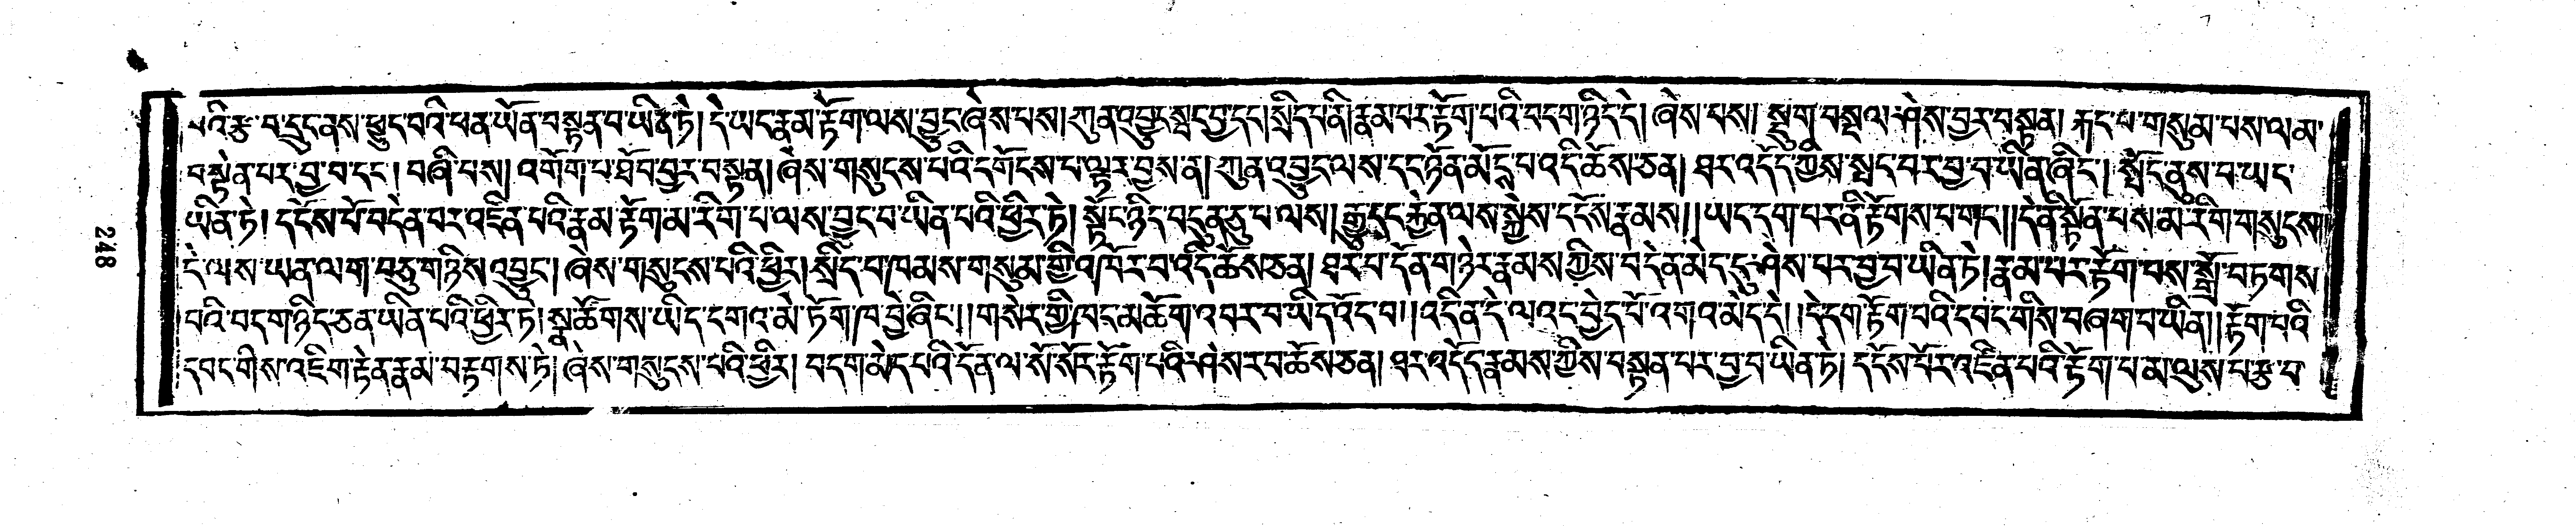པའི་རྩ་བ་དྲུང་ནས་ཕྱུང་བའི་ཕན་ཡོན་བསྟན་པ་ཡིན་ཏེ། དེ་ཡང་རྣམ་རྟོག་ལས་བྱུང་ཞེས་པས། ཀུན་འབྱུང་སྤང་བྱ་དང་། སྲིད་པ་ནི། རྣམ་པར་རྟོག་པའི་བདག་ཉིད་དེ། ཞེས་པས། སྡུག་བསྔལ་ཤེས་བྱར་བསྟན། རྐང་པ་གསུམ་པས་ལམ་
བསྟེན་པར་བྱ་བ་དང་། བཞི་པས། འགོག་པ་ཐོབ་བྱར་བསྟན། ཞེས་གསུངས་པའི་དགོངས་པ་ལྟར་བྱས་ན། ཀུན་འབྱུང་ལས་དང་ཉོན་མོངས་པ་འདི་ཆོས་ཅན། ཐར་འདོད་ཀྱིས་སྤང་བར་བྱ་བ་ཡིན་ཞིང་། སྤོང་ནུས་པ་ཡང་
ཡིན་ཏེ། དངོས་པོ་བདེན་པར་འཛིན་པའི་རྣམ་རྟོག་མ་རིག་པ་ལས་བྱུང་བ་ཡིན་པའི་ཕྱིར་ཏེ། སྟོང་ཉིད་བདུན་ཅུ་པ་ལས། རྒྱུ་དང་རྐྱེན་ལས་སྐྱེས་དངོས་རྣམས། །ཡང་དག་པར་ནི་རྟོགས་པ་གང་། །དེ་ནི་སྟོན་པས་མ་རིག་གསུངས།།
དེ་ལས་ཡན་ལག་བཅུ་གཉིས་འབྱུང་། ཞེས་གསུངས་པའི་ཕྱིར། སྲིད་པ་ཁམས་གསུམ་གྱི་འཁོར་བ་འདི་ཆོས་ཅན། ཐར་པ་དོན་གཉེར་རྣམས་ཀྱིས་བདེན་མེད་དུ་ཤེས་པར་བྱ་བ་ཡིན་ཏེ། རྣམ་པར་རྟོག་པས་སྒྲོ་བཏགས་
པའི་བདག་ཉིད་ཅན་ཡིན་པའི་ཕྱིར་ཏེ། སྣ་ཚོགས་ཡིད་དགའ་མེ་ཏོག་ཁ་བྱེ་ཞིང་། །གསེར་གྱི་ཁང་མཆོག་འབར་བ་ཡིད་འོང་བ། །འདི་ན་དེ་ལའང་བྱེད་པོ་འགའ་མེད་དེ། །དེ་དག་རྟོག་པའི་དབང་གིས་བཞག་པ་ཡིན། །རྟོག་པའི་
དབང་གིས་འཇིག་རྟེན་རྣམ་བརྟགས་ཏེ། ཞེས་གསུངས་པའི་ཕྱིར། བདག་མེད་པའི་དོན་ལ་སོ་སོར་རྟོག་པའི་ཤེས་རབ་ཆོས་ཅན། ཐར་འདོད་རྣམས་ཀྱིས་བསྟན་པར་བྱ་བ་ཡིན་ཏེ། དངོས་པོར་འཛིན་པའི་རྟོག་པ་མ་ལུས་པ་རྩ་བ་